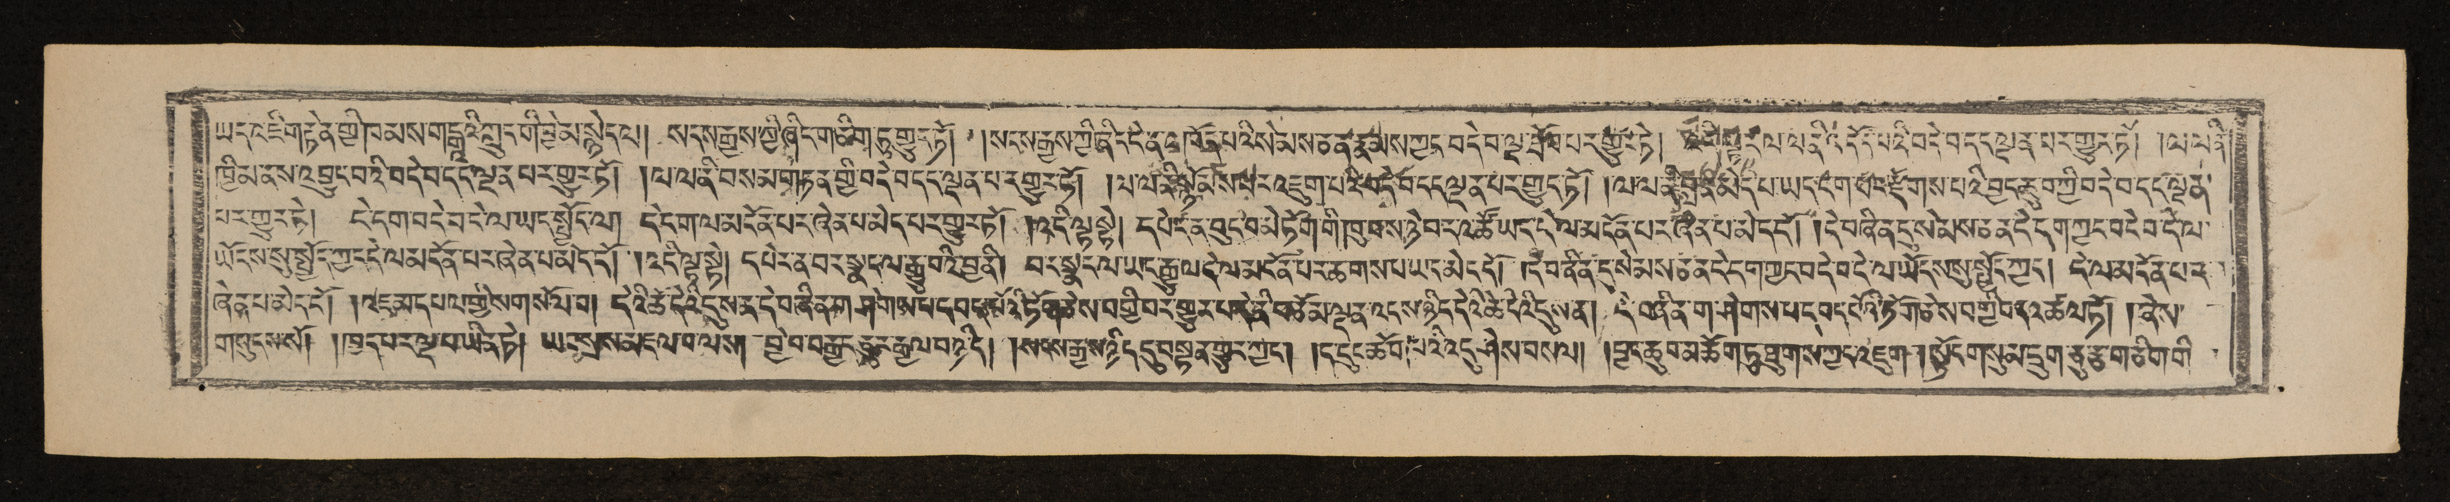ཡང་འཇིག་རྟེན་གྱི་ཁམས་གངྒཱའི་ཀླུང་གི་བྱེ་མ་སྙེད་ལ། སངས་རྒྱས་ཀྱི་ཞིང་གཅིག་ཏུ་གྱུར་ཏོ། །སངས་རྒྱས་ཀྱི་ཞིང་དེ་ན་འཁོད་པའི་སེམས་ཅན་རྣམས་ཀྱང་བདེ་བ་ལྔ་ཐོབ་པར་གྱུར་ཏེ། འདི་ལྟར་ལ་ལ་ནི་འདོད་པའི་བདེ་བ་དང་ལྡན་པར་གྱུར་ཏོ། །ལ་ལ་ནི་
ཁྱིམ་ནས་འབྱུང་བའི་བདེ་བ་དང་ལྡན་པར་གྱུར་ཏོ། །ལ་ལ་ནི་བསམ་གཏན་གྱི་བདེ་བ་དང་ལྡན་པར་གྱུར་ཏོ། །ལ་ལ་ནི་སྙོམས་པར་འཇུག་པའི་བདེ་བ་དང་ལྡན་པར་གྱུར་ཏོ། །ལ་ལ་ནི་བླ་ན་མེད་པ་ཡང་དག་པར་རྫོགས་པའི་བྱང་ཆུབ་ཀྱི་བདེ་བ་དང་ལྡན་
པར་གྱུར་ཏེ། དེ་དག་བདེ་བ་དེ་ལ་ཡང་སྤྱོད་ལ། དེ་དག་ལ་མངོན་པར་ཞེན་པ་མེད་པར་གྱུར་ཏོ། །འདི་ལྟ་སྟེ། དཔེར་ན་བུང་བ་མེ་ཏོག་གི་ཁུ་བས་ཉེ་བར་འཚོ་ཡང་དེ་ལ་མངོན་པར་ཞེན་པ་མེད་དོ། །དེ་བཞིན་དུ་སེམས་ཅན་དེ་དག་ཀྱང་བདེ་བ་དེ་ལ་
ཡོངས་སུ་སྤྱོད་ཀྱང་དེ་ལ་མངོན་པར་ཞེན་པ་མེད་དོ། །འདི་ལྟ་སྟེ། དཔེར་ན་བར་སྣང་ལ་རྒྱུ་བའི་བྱ་ནི། བར་སྣང་ལ་ཡང་རྒྱུ་ལ་དེ་ལ་མངོན་པར་ཆགས་པ་ཡང་མེད་དོ། །དེ་བཞིན་དུ་སེམས་ཅན་དེ་དག་ཀྱང་བདེ་བ་དེ་ལ་ཡོངས་སུ་སྤྱོད་ཀྱང་། དེ་ལ་མངོན་པར་
ཞེན་པ་མེད་དོ། །འཇམ་དཔལ་གྱིས་གསོལ་པ། དེའི་ཚེ་དེའི་དུས་ན་དེ་བཞིན་གཤེགས་པ་དབང་པོའི་ཏོག་ཅེས་བགྱི་བར་གྱུར་བ་དེ་ནི་བཅོམ་ལྡན་འདས་ཉིད་དེའི་ཚེ་དེ་འདུས་ན། དེ་བཞིན་གཤེགས་པ་དབང་པོའི་ཏོག་ཅེས་བགྱི་བར་འཚལ་ཏོ། །ཞེས་
གསུངས་སོ། །ཁྱད་པར་ལྔ་པ་ཡིན་ཏེ། ཡབ་སྲས་མཇལ་བ་ལས། བྱེ་བ་བརྒྱད་ཅུར་རྒྱལ་བ་ཉིད། །སངས་རྒྱས་ཉིད་དུ་བསྟན་གྱུར་ཀྱང་། །ད་དུང་ཆོག་པའི་འདུ་ཤེས་བསལ། །བྱང་ཆུབ་མཆོག་ཏུ་ཐུགས་ཀྱང་འཇུག །སྟོང་གསུམ་དྲུག་ཅུ་རྩ་གཅིག་གི །